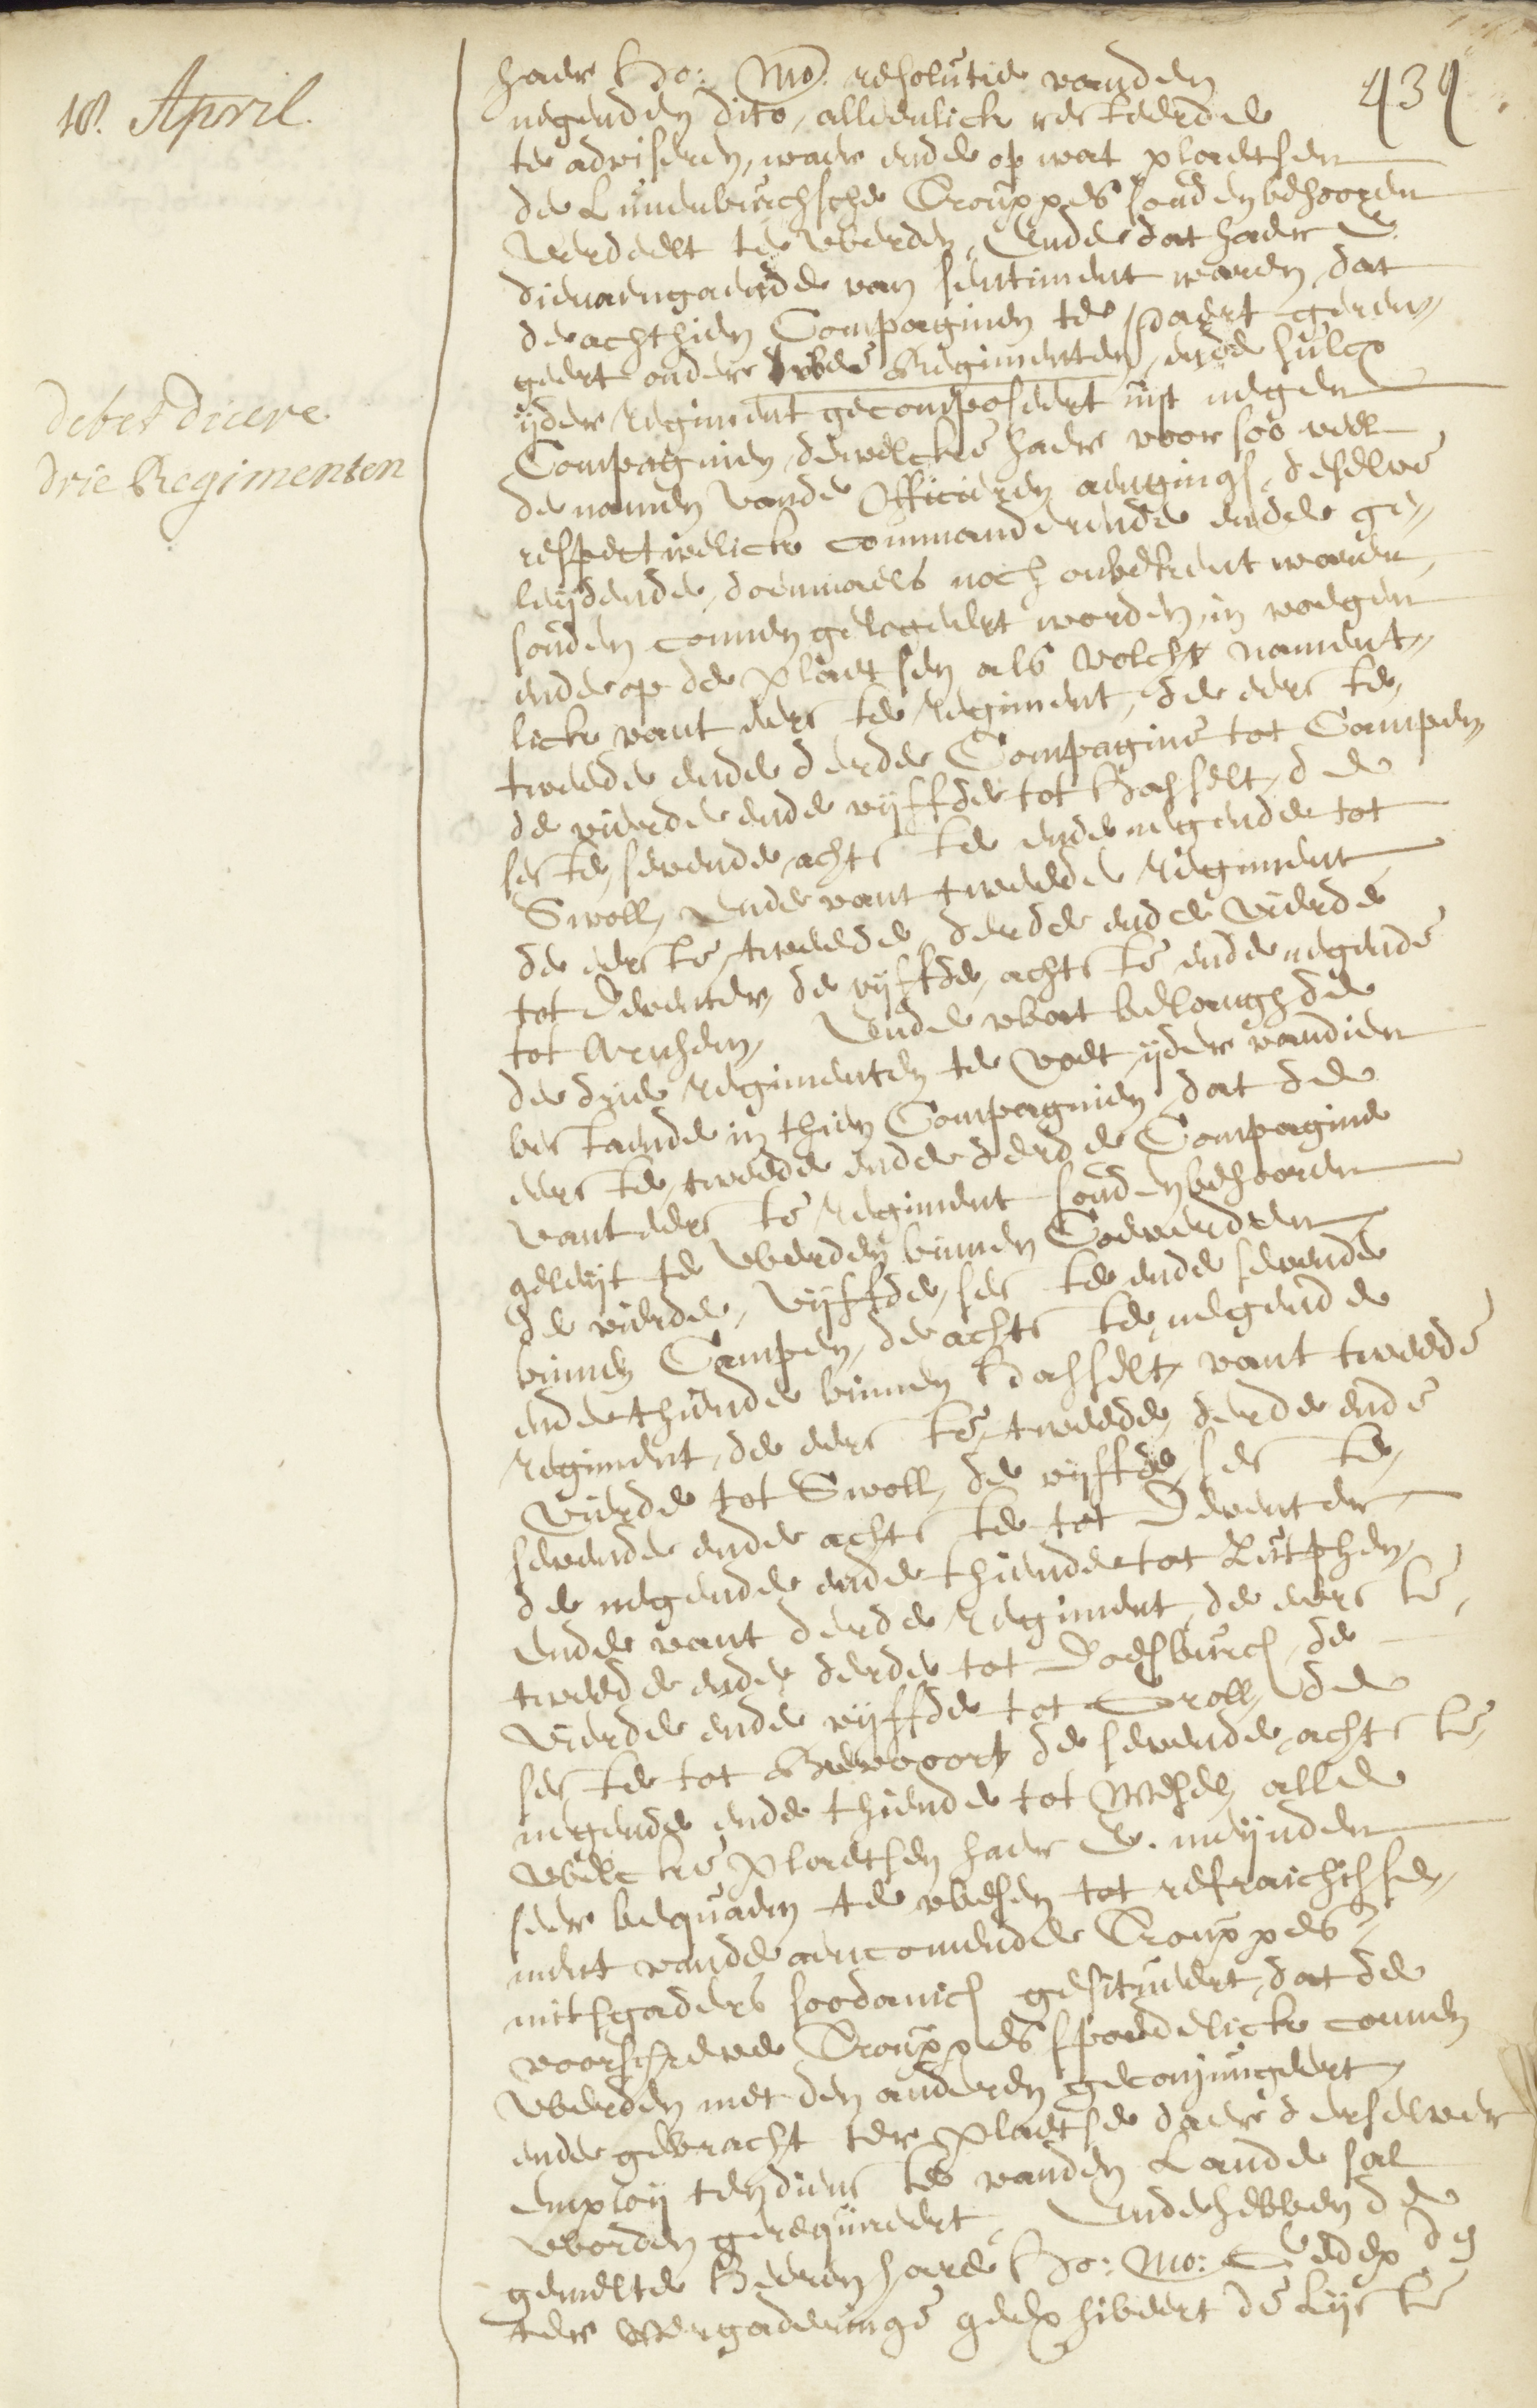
439
18. April.
debet dicere
drie Regimenten.
haer Ho:Mo: resolutie vanden
negenden dito, alleenlick resteerde
te adviseren, waer ende op wat plaetsen
de Lunenburchsche Trouppes souden behooren
verdeelt te werden, ende dat haer E.
dienaerngaende van sentiment waren, dat
de achthien Compagnien te paert geren,,
geert onder twee Regimenten, ende sulcx
ijder regiment gecomposeert uijt negen
Compagnien, denwelcke haer voor soo veel
de namen vande Officieren aengingh, deselve
respectivelick commanderende ende ge,,
leijdende, doenmaels noch onbekent waeren,
souden connen gelogeert worden, in voegen
ende op de paetsen als volcht nament„
lick vant eerste regiment, de eerste,
tweede ende derde Compagnie tot Campen,
de vierde ende vijffde tot Hasselt, de
seste sevende, achtste ende negende tot
Swoll. Ende vant tweede regiment
de eerste, tweede derde ende vierde
tot Deventer de vijffde, achtste ende negende
tot Arnhem. Ende wat belangh de
de drie regimenten te voet, ijder vandien
bestaende in thien compagnien, dat de
eerste, tweede ende derde Compagnie
vant eerste regiment souden behooren
geleijt te werden binnen Coeverden
de vierde, vijffde, seste ende sevende
binnen Campen, de achtste negende
ende thiende binnen Hasselt, vant tweede
regiment, de eerste tweede derde ende
vierde tot Swoll de vijffde seste„
sevende ende achtste tot Deventer,
de negende ende thiende tot Zutphen,
ende vant derde regiment de eerste
tweede ende derde tot Doesburch, de
vierde ende vijffde tot Groll, de
seste tot Brewoort de sevende, achtste,
negende ende thiende tot Wesel alle
welcke plaetsen haer E. meijnden
seer bequaem te wesen tot refraichisse„
ment vande aencomende Trouppes,
mitsgaders soodanich gesitueert, dat de
voorschreve Trouppes spoedelick connen
werden met den anderen geconjungeert,
ende gebracht ter plaetse daer derselver
emploij ten dienste vanden Lande sal
worden gerequireert, Ende hebben de
gemelte Heeren hare Ho:Mo: Gedepden
ter Vergaderinge geexhibeert de Lijste
